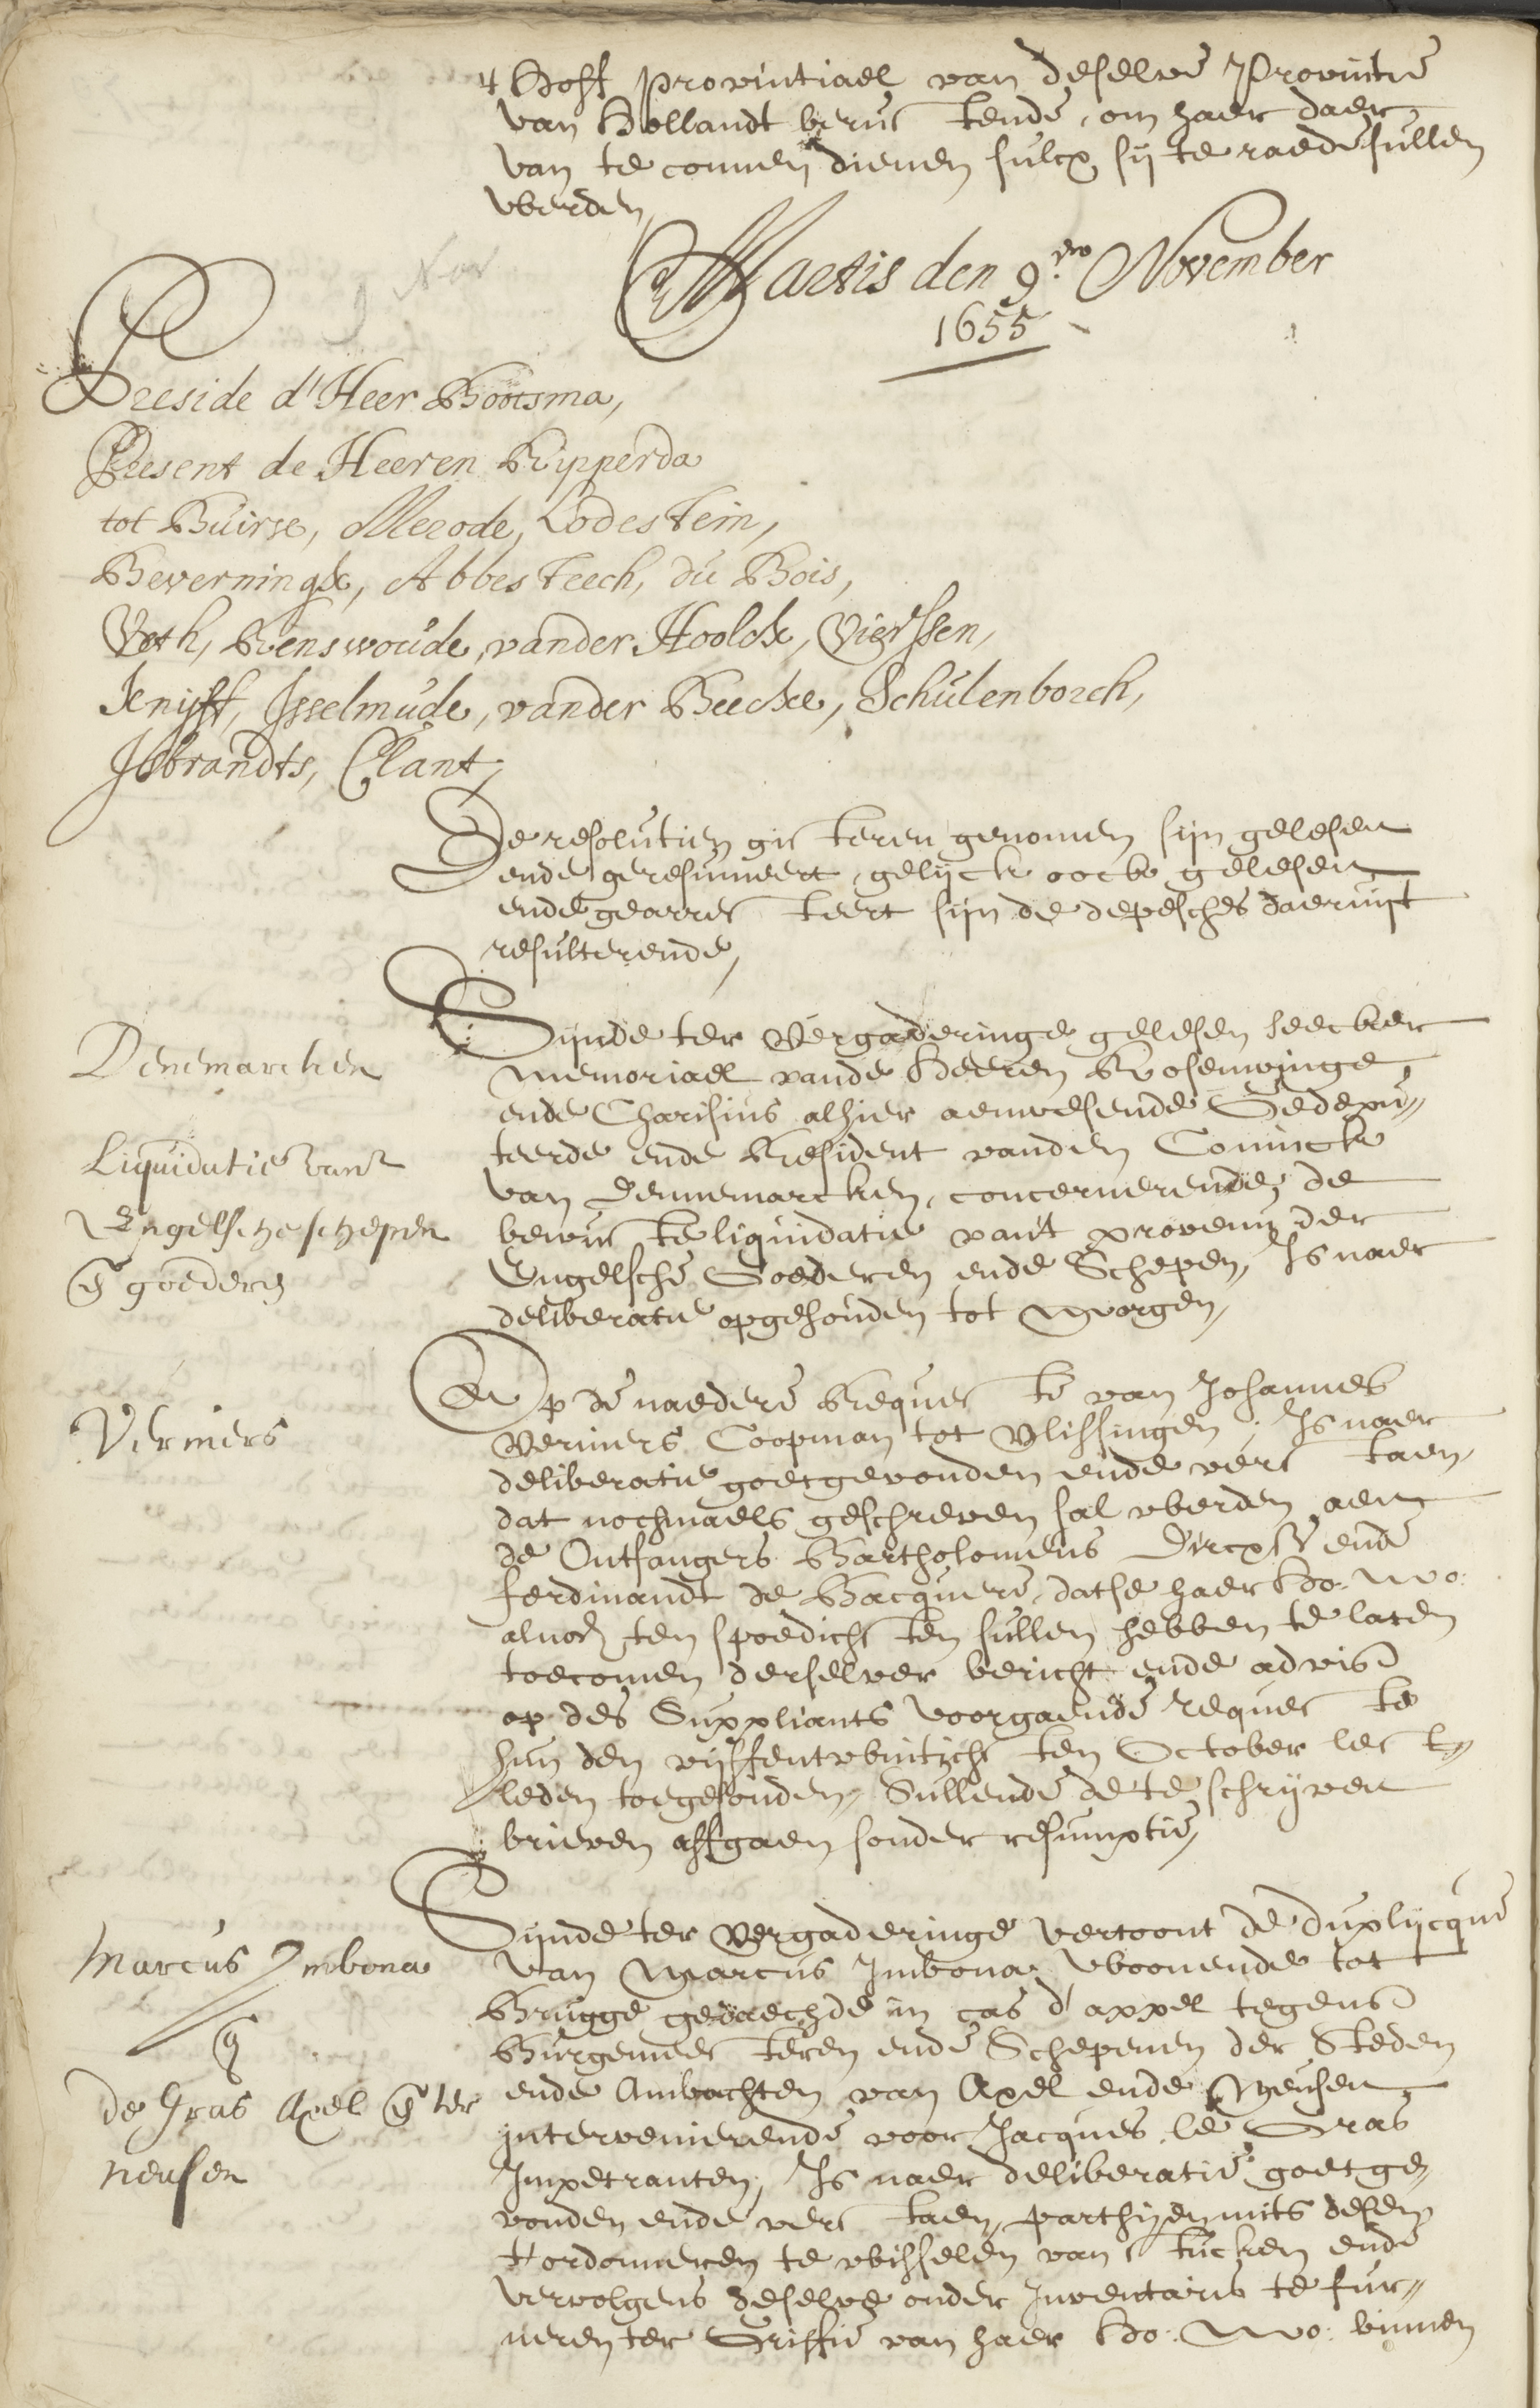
‛t Hoff provintiael van deselve Provintie
van Hollandt berustende, om haer daer
van te connen dienen sulcx sij te raede sullen
werden.
9 Nov.
Martis den 9en. November
1655.
Preside d‛Heer Bootsma,
Present de Heeren Ripperda
tot Buirse, Merode, Lodestein,
Beverningk, Abbesteech, du Bois,
Veth, Renswoude, vander Hoolck, Vierssen,
Knijff, Isselmude, van der Beecke, Schulenborch,
Isbrandts, Clant.
De resolutien gisteren genomen sijn gelesen
ende geresumeert, gelijck oock gelesen
ende gearresteert sijn de depesches daeruijt
resulterende.
Denemarcken
Liquidatie van
Engelsche schepen
& goederen.
Sijnde ter Vergaderinge gelesen seecker
memoriael vande Heeren Rosenwinge
ende Charisius alhier aenwesende Gedepu„
teerde ende Resident vanden Coninck
van Dennemarcken, concernerende de
bewuste liquidatie van‛t provenu der
Engelsche Goederen ende Schepen. Is naer
deliberatie opgehouden tot morgen.
Verniers
Op de naedere Requeste van Johannes
Verniers Coopman tot Vlissingen; Is naer
deliberatie goetgevonden ende verstaen,
dat nochmaels geschreven sal werden aen
de Ontfangers Bartholomeus Dircxsz ende
ferdinandt de Bacquere, datse haer Ho:Mo:
alnoch ten spoedichsten sullen hebben te laten
toecomen derselver bericht ende advis
op des Suppliants voorgaende requeste
hun den vijffentwintichsten October lest„
leden toegesonden, Sullende de te schrijven
brieven affgaen sonder resumptie.
Marcus Imbona
ca.
de Gras Axel & ter
neusen
Sijnde ter Vergaderinge vertoont de duplijcque
van Marcus Imbona, Woonende tot
Brugge gedaechde in cas d'appel tegens
Burgemeesteren ende Schepenen der Steden
ende Ambachten van Axel ende Neusen
intervenierende voor Jacques le Gras
Impetranten; Is naer deliberatie goetge„
vonden ende verstaen, parthijen mits desen
t‛ordonneren te wisselen van stucken ende
vervolgens deselve onder Inventaris te fur„
neren ter Griffie van haer Ho:Mo: binnen
